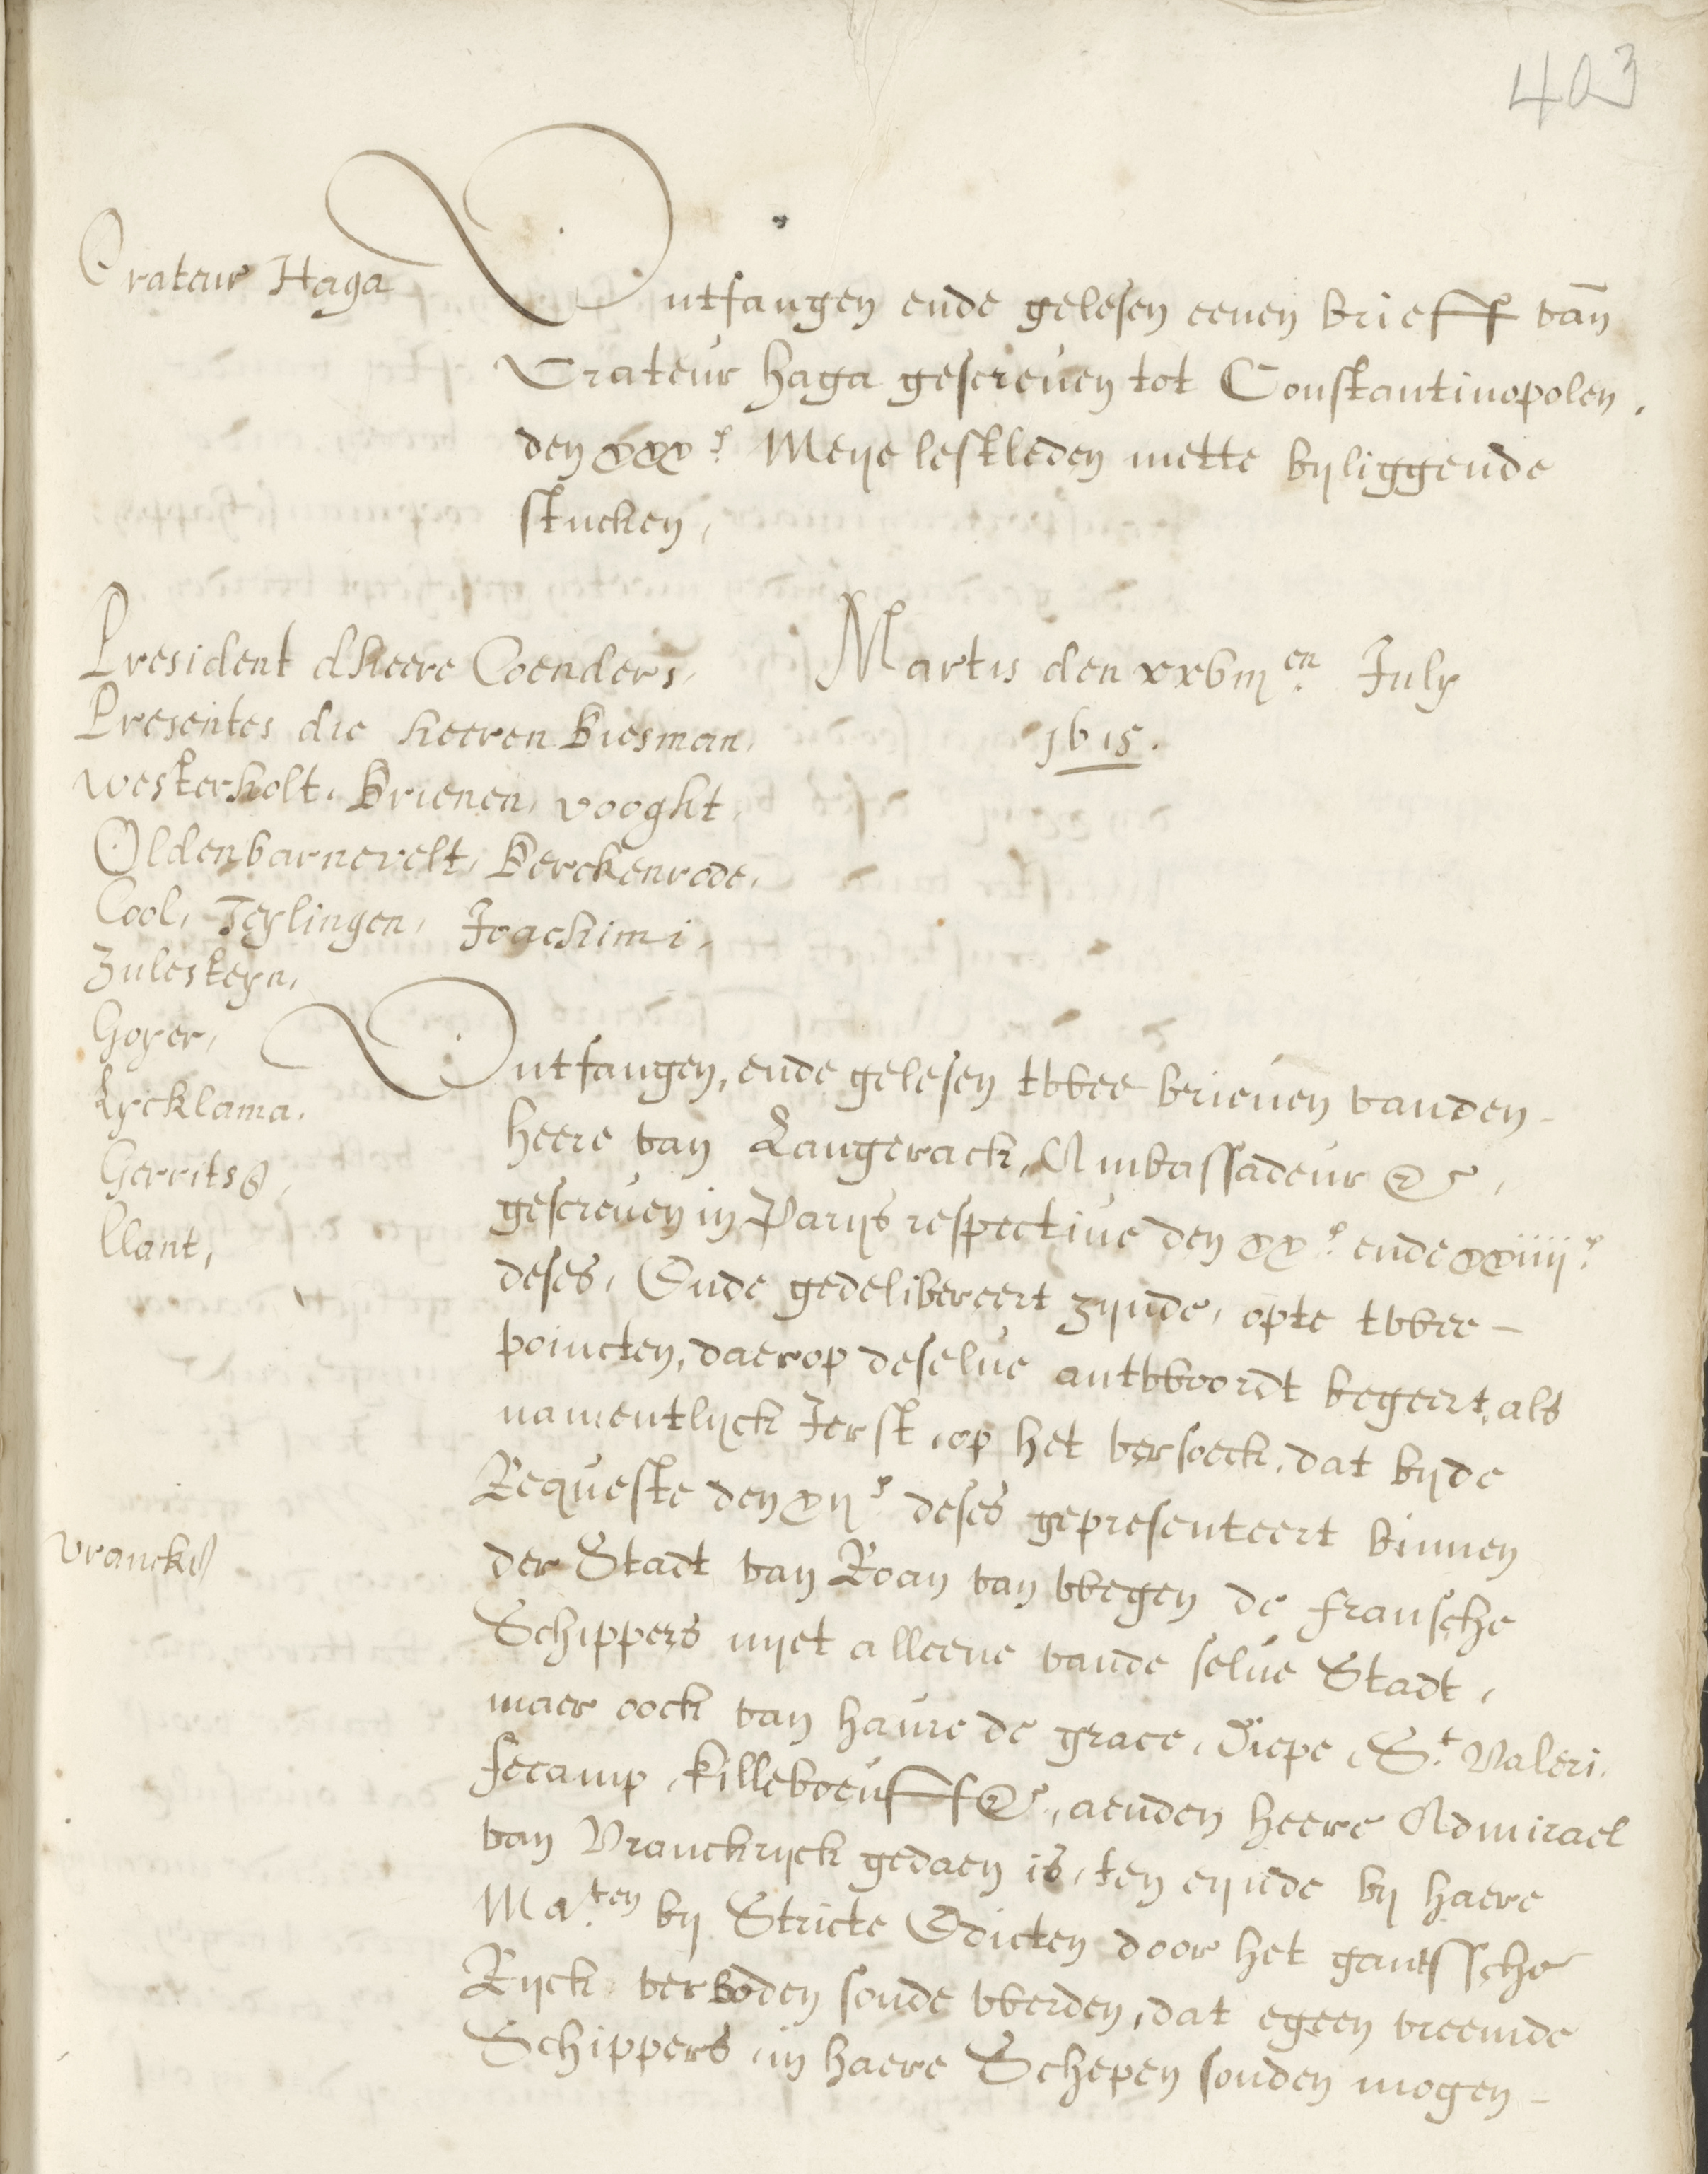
403
Orateur Haga
Ontfangen ende gelesen eenen brieff van
Orateur Haga gescreuen tot Constantinopolen,
den xxxen. Meye lestleden mette byliggende
stucken,
Martis den xxviijen. July
1615.
President d'heere Coenders,
Presentes die heeren Biesman,
Westerholt, Brienen, vooght.
Oldenbarnevelt, Berckenrode,
Cool, Teylingen, Joachimi,
Zulesteyn,
Goyer,
Lycklama,
Gerritsz,
Clant,
Vranck
Ontfangen, ende gelesen twee brieuen vanden
heere van Langerack, Ambassadeur @
gescreuen in Parys respectiue den xxen. ende xxiiijen.
deses. Ende gedelibereert zynde, opte twee
poincten, daerop deselue antwoordt begeert, als
namentlyck Ierst, op het versoeck, dat byde
Requeste den xijen deses, gepresenteert binnen
der Stadt van Roan van wegen de fransche
Schippers nyet alleene vande selue Stadt.
maer oock van haure de grace, Diepe St. Valeri,
Fecamp, Killeboeuff @, aenden heere Admirael
van Vranckryck gedaen is, ten eynde by haere
Maten. by Stricte Edicten, door het gantssche
Ryck, verboden soude werden, dat egeen vreemde
Schippers, in haere Schepen souden mogen
